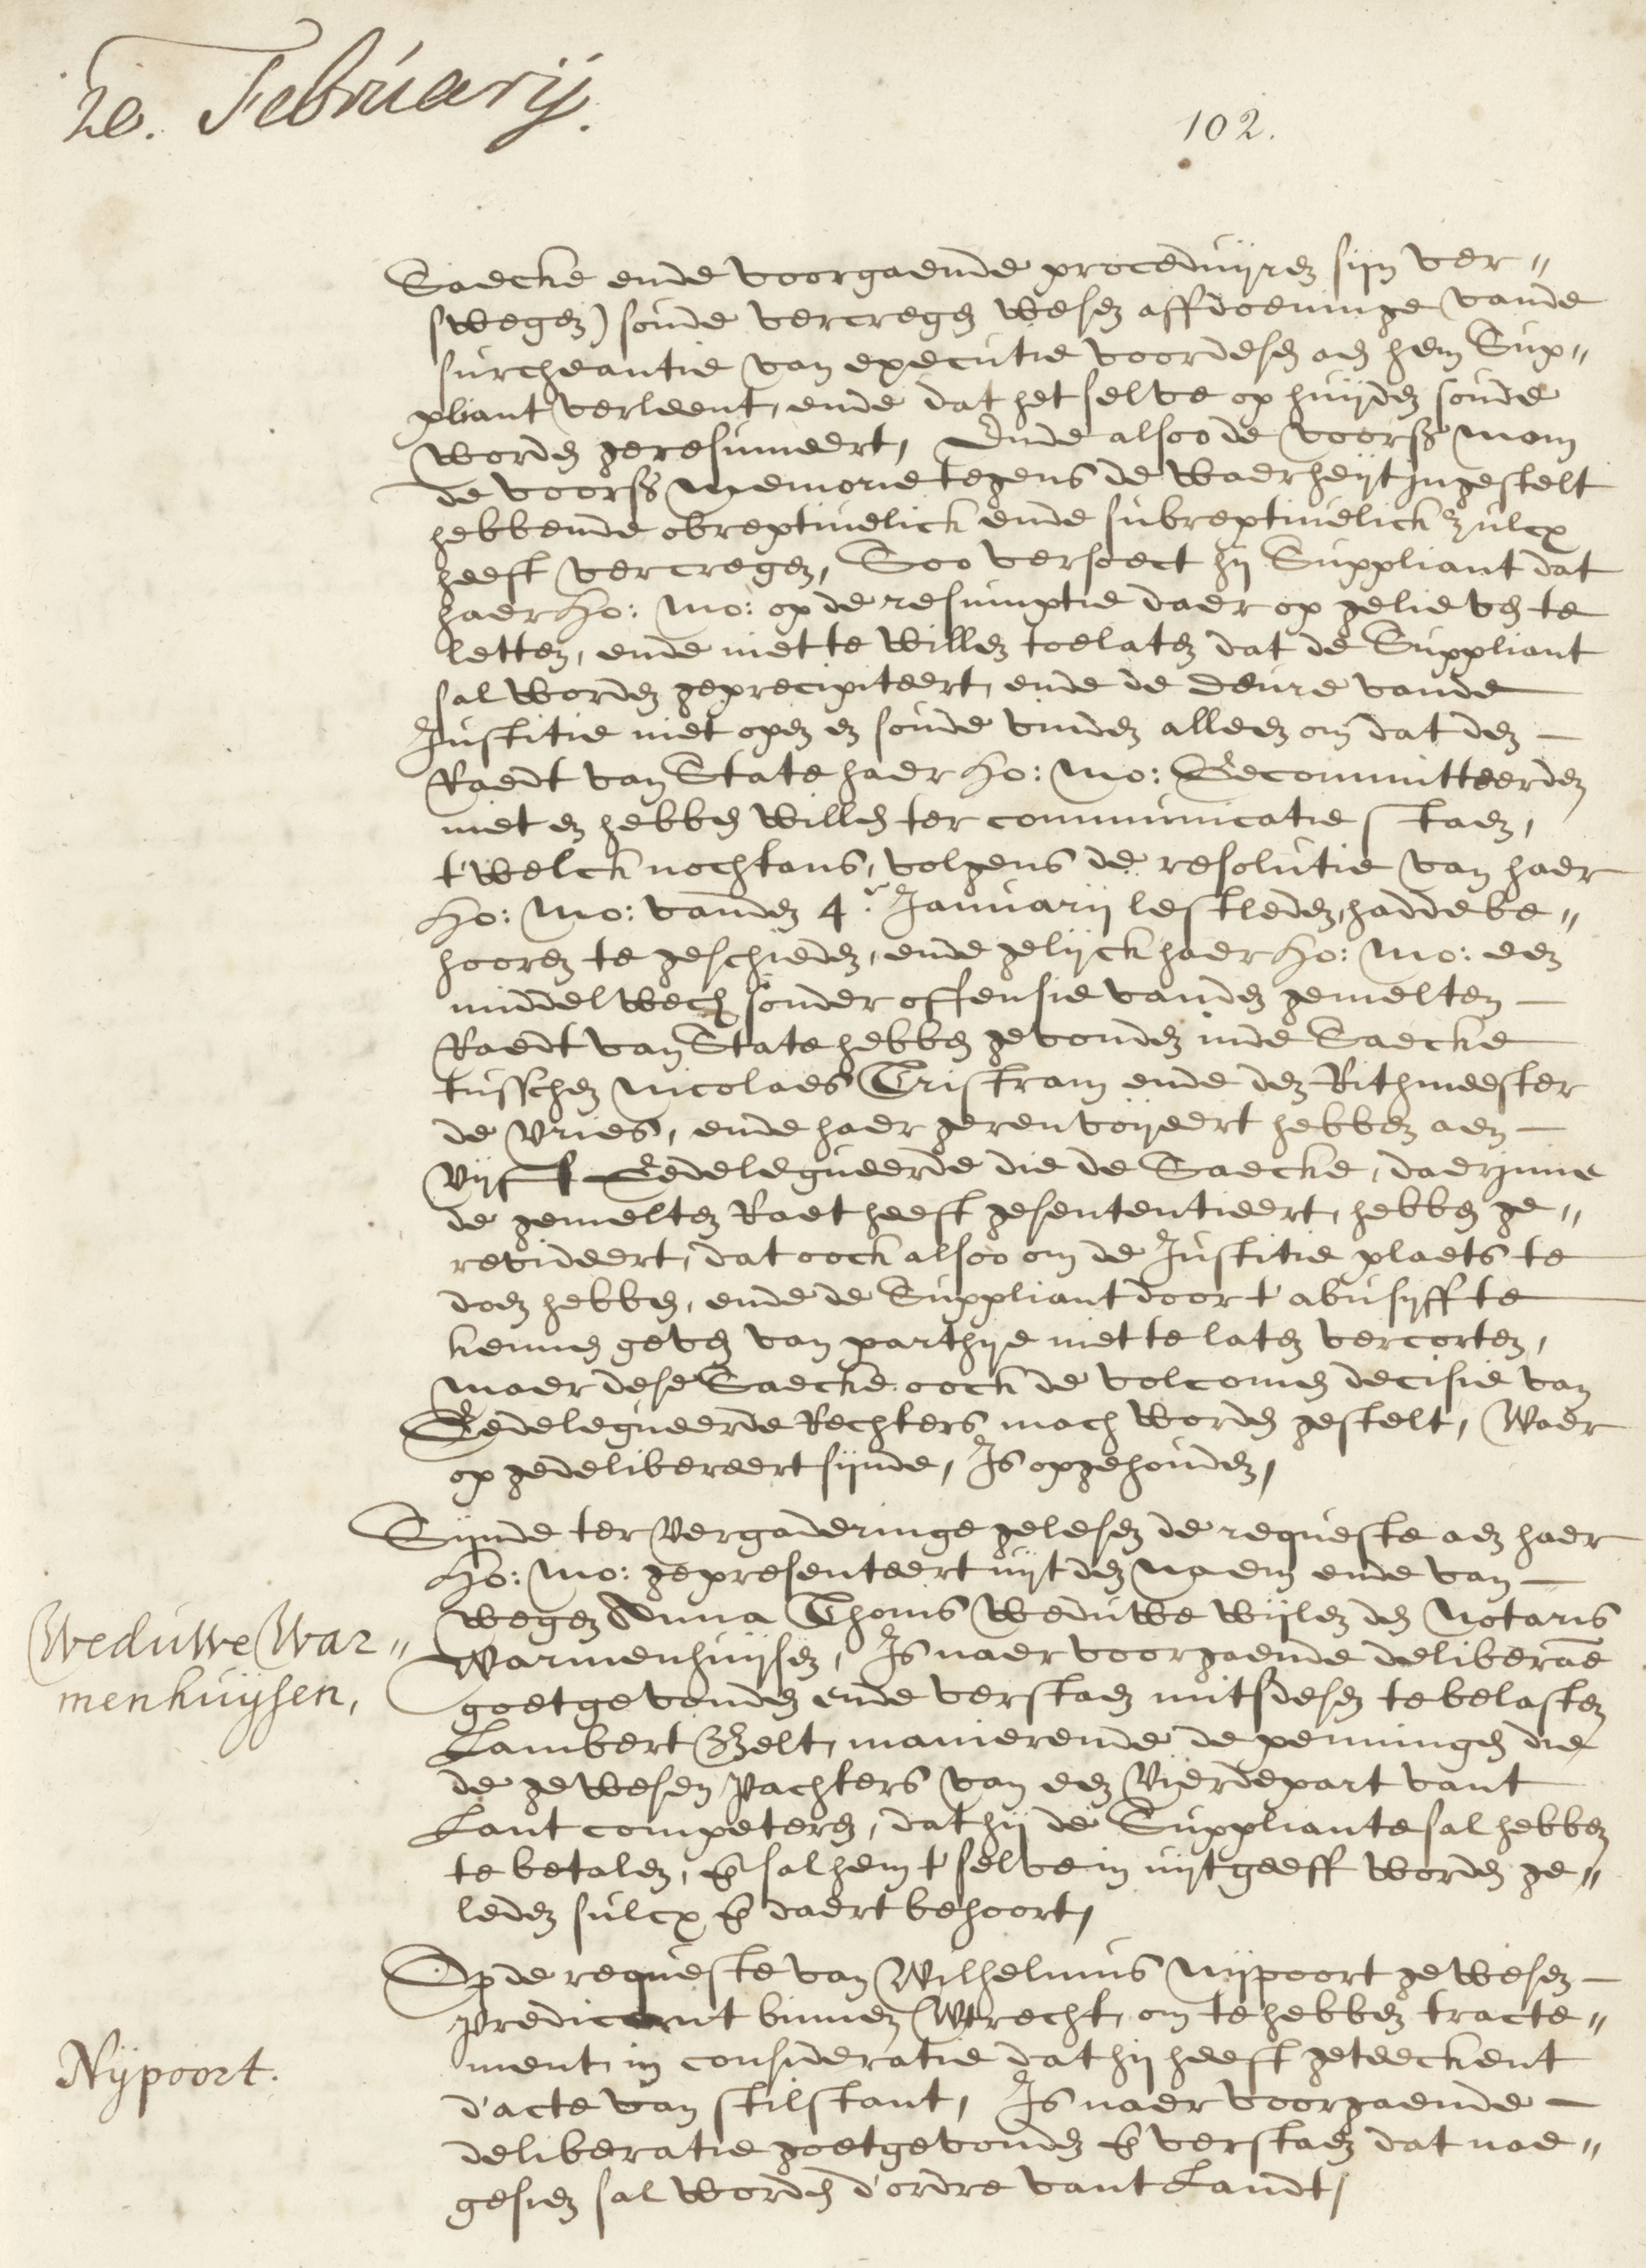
20. Februarij
102.
Saecke ende voorgaende proceduijren sijn ver„
swegen) soude vercregen wesen affdoeninge vande
surcheantie van executie voordesen aen hem Sup„
pliant verleent, ende dat het selve op huijden soude
worden geresumeert. Ende alsoo de voors mom
de voors memorie tegens de waerheijt ingestelt
hebbende obreptiuelick ende subreptiuelick zulcx
heeft vercregen, Soo versoect hij Suppliant dat
haer Ho:Mo: op de resumptie daer op gelieven te
letten, ende niet te willen toelaten dat de Suppliant
sal worden geprecipiteert, ende de Deure vande
Justitie niet open en soude vinden alleen om dat den
Raedt van State haer Ho:Mo: Gecommitteerden
niet en hebben willen ter communicatie staen,
t'welck nochtans, volgens de resolutie van haer
Ho:Mo: vanden 4e. Januarij lestleden, hadde be„
hooren te geschieden, ende gelijck haer Ho:Mo: een
middelwech sonder offensie vanden gemelten
Raedt van State hebben gevonden inde Saecke
tusschen Nicolaes Tristram ende den Rithmeester
de Vries, ende haer gerenvoijeert hebben aen
vijff Gedelegueerde die de Saecke, daerinne
de gemelten Raet heeft gesententieert, hebben ge„
revideert, dat oock alsoo om de Justitie plaets te
doen hebben, ende de Suppliant door t'abusyff te
kennen geven van parthije niet te laten vercorten,
maer dese Saecke oock de volcomen decisie van
Gedelegueerde Rechters mach worden gestelt. Waer
op gedelibereert sijnde, Is opgehouden.
Weduwe War„
menhuijsen.
Sijnde ter Vergaderinge gelesen de requeste aen haer
Ho:Mo: gepresenteert uijt den naem ende van —
wegen Anna Thonis weduwe wijlen den notaris
Warmenhuijsen, Is naer voorgaende deliberae
goetgevonden ende verstaen mitsdesen te belasten
Lambert Belt, manierende de penningen die
de gewesen Pachters van een Vierdepart vant
Lant competeren, dat hij de Suppliante sal hebben
te betalen, & sal hem t'selve in uijtgeeff worden ge„
leden sulcx, & daert behoort.
Nijpoort.
Op de requeste van Wilhelmus Nijpoort gewesen
predicant binnen Wtrecht, om te hebben tracte„
ment in consideratie dat hij heeft geteeckent
d'acte van stilstant, Is naer voorgaende
deliberatie goetgevonden & verstaen dat nae„
gesien sal worden d'ordre vant Landt.
